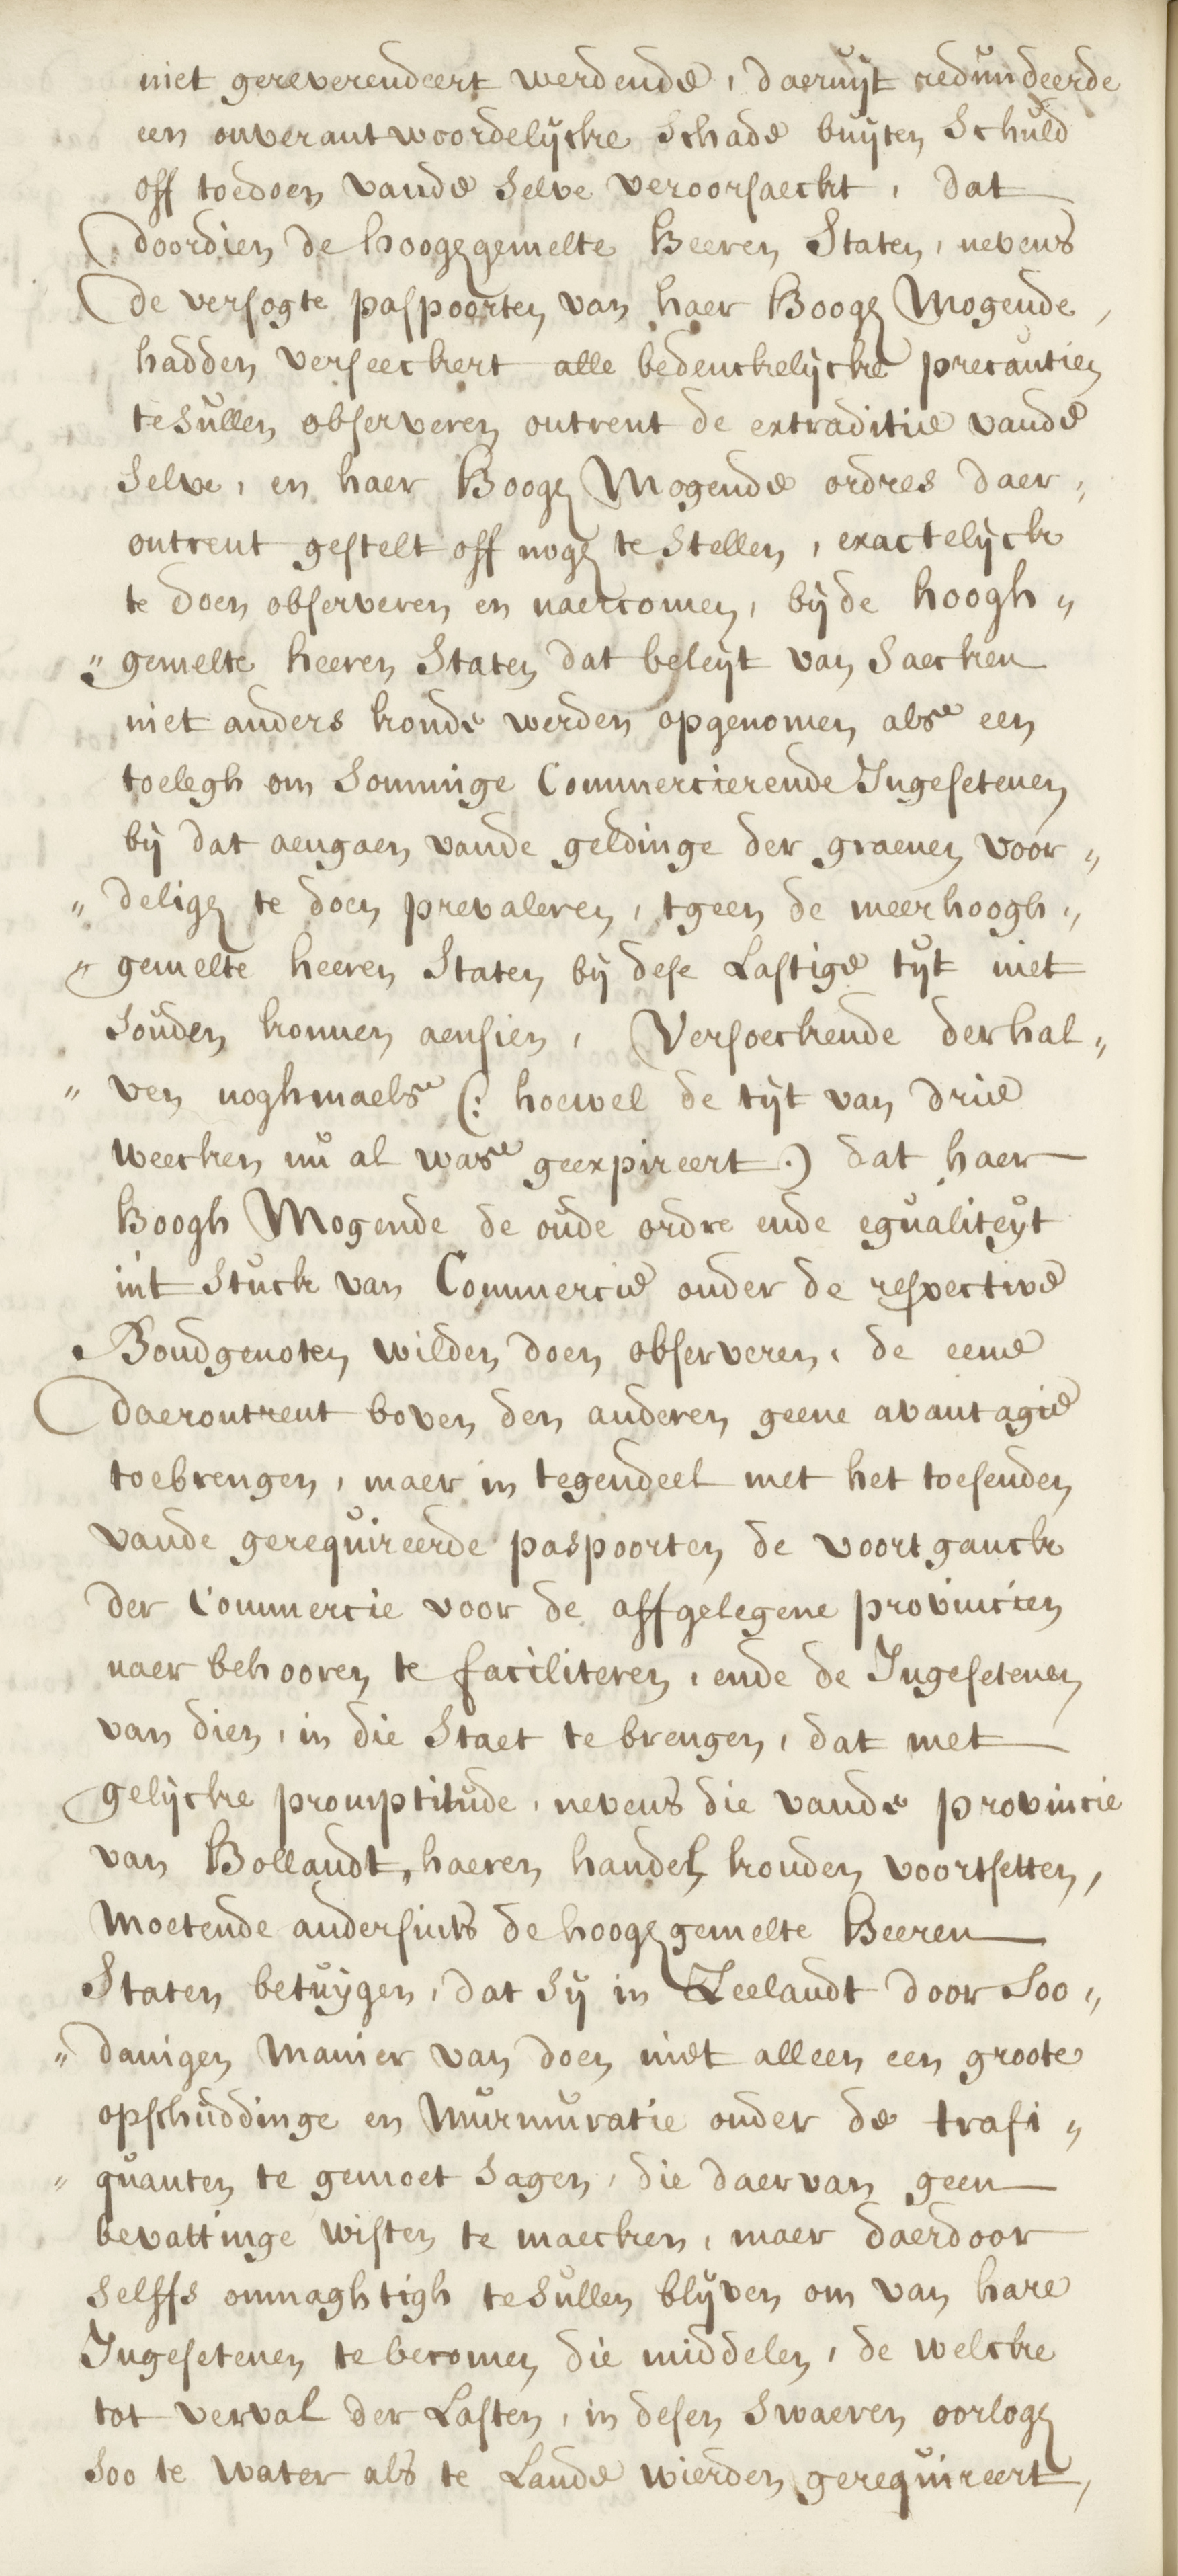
niet gereverendeert werdende, daeruijt redundeerde
een onverantwoordelijcke Schade buijten Schuld
off toedoen vande selve veroorsaeckt, dat
doordien de hooghgemelte heeren Staten, nevens
de versogte paspoorten van haer Hoogh Mogende
hadden verseeckert alle bedenckelijcke precautien
te sullen observeren ontrent de extraditie vande
selve, en haer Hoogh Mogende ordres daer„
ontrent gestelt off nogh te stellen, exactelijck
te doen observeren en naercomen, bij de Hoogh„
„gemelte heeren Staten dat beleijt van Saecken
niet anders konde werden opgenomen als een
toelegh om sommige Commercierende Ingesetenen
bij dat aengaen vande geldinge der graenen voor„
„deligh te doen prevaleren, tgeen de meerhoogh„
„gemelte heeren Staten bij dese Lastige tijt niet
souden konnen aensien, Versoeckende derhal„
„ven noghmaels (hoewel de tijt van drie
weecken nu al was geexpireert) dat haer
Hoogh Mogende de oude ordre ende egualiteijt
int Stuck van Commercie onder de respective
Bondgenoten wilden doen observeren, de eene
daerontrent boven den anderen geene avantagie
toebrengen, maer in tegendeel met het toesenden
vande gerequireerde paspoorten de voortganck
der Commercie voor de affgelegene provincien
naer behooren te faciliteren, ende de Ingesetenen
van dien, in die Staet te brengen, dat met
gelijcke promptitude, nevens die vande provincie
van Hollandt, haeren handel konden voortsetten,
moetende andersints de hooghgemelte Heeren
Staten betuijgen, dat sij in Zeelandt door soo„
„danigen Manier van doen niet alleen een groote
opschuddinge en Murmuratie onder de trafi„
„quanten te gemoet sagen, die daervan geen
bevattinge wisten te maecken, maer daerdoor
selffs onmaghtigh te sullen blijven om van hare
Ingesetenen te becomen die middelen, de welcke
tot verval der Lasten, in desen swaeren oorlogh
soo te water als te Lande wierden gerequireert,
